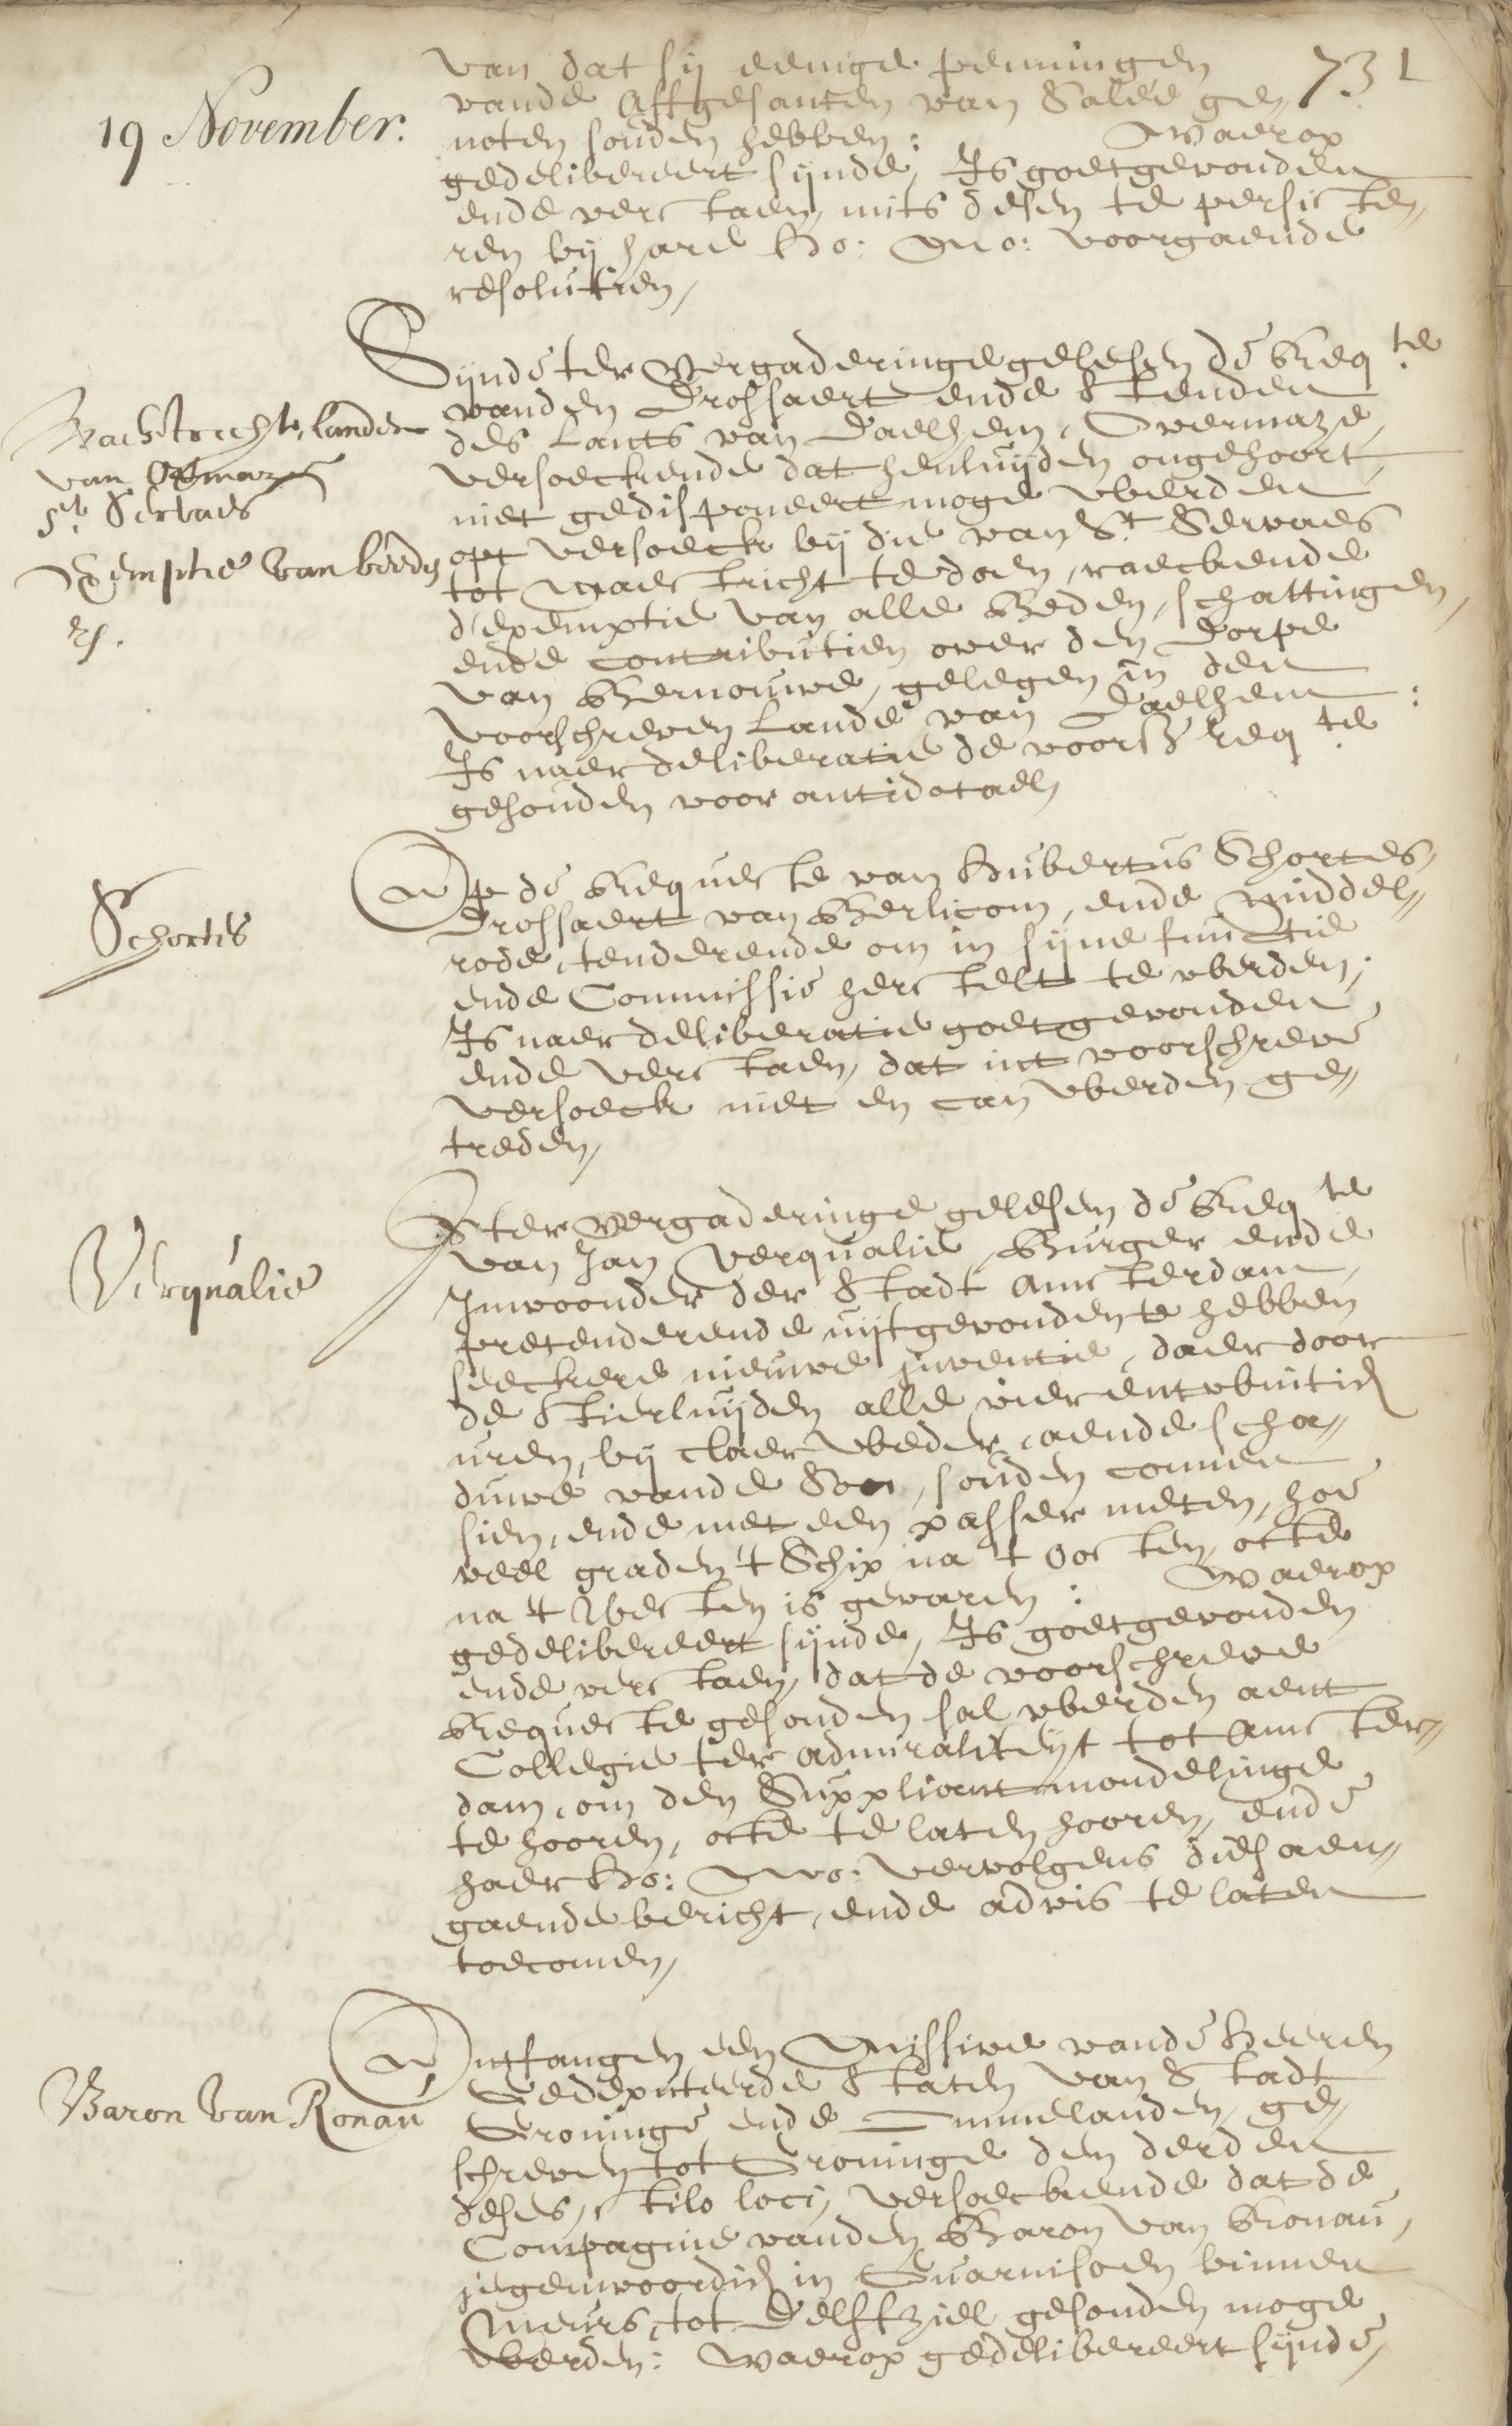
731
19 November.
van dat sij eenige penningen
vande affgesanten van Salée ge,,
noten souden hebben: Waerop
gedelibereert sijnde, Is goetgevonden
ende verstaen, mits desen te persiste,,
ren bij hare Ho:Mo: voorgaende
resolutien.
Maestricht, Landen
van Ovmaze
St. Servaes
Exemptie van beeden
rs.
Sijnde ter Vergaderinge gelesen de Reqte.
van den Drossaert ende Stenden
des Lants van Daelhem, Overmaze,
versoeckende dat henluijden ongehoort,
niet gedisponeert moge werden
opt versoeck bij die van St. Servaes
tot maestricht te doen, raeckende
d'exemptie van alle Beden, schattingen,
ende contributien over den Dorpe
van Bernouwe, gelegen in den
voorschreven Lande van Daelhem:
Is naer deliberatie de voors reqte.
gehouden voor antidotael.
Schortes
Op de Requeste van Hubertus Schortes,
Drossaert van Berlicom, ende middel,,
rode, tenderende om in sijne functie
ende Commissie herstelt te werden;
Is naer deliberatie goetgevonden
ende verstaen, dat int voorschreve
versoeck niet en can werden ge,
treden.
Verqualie
Is ter vergaderinge gelesen de Reqte
van Jan Verqualie, Burger ende
Inwoonder der Stadt Amsterdam,
pretenderende uijtgevonden te hebben
seeckere nieuwe inventie, daerdoor
de Stierluijden alle vierentwintich
uren, bij claer weder, aende scha,,
duwe vande Son, souden connen
sien, ende met een passer meten, hoe
veel graden 't Schip na 't oosten, ofte
na 't Westen is gevaren: Waerop
gedelibereert sijnde, Is goetgevonden
ende verstaen, dat de voorschreve
Requeste gesonden sal werden aent
Collegie ter Admiraliteijt tot Amster,,
dam, om den Suppliant mondelinge
te hooren, offe te laten hooren, ende
haer Ho:Mo: vervolgens diesaen,,
gaende bericht, ende advis te laten
toecomen.
Baron van Ronau
Ontfangen een missive vande heeren
Gedeputeerde Staten van Stadt
Groninge ende Ommelanden, ge,,
schreven tot Groninge den derden
deses, stilo loci, versoeckende dat de
Compagnie vanden Baron van Ronau,
jegenwoordich in Guarnisoen binnen
Meurs, tot Delffziel gesonden moge
werden: Waerop gedelibereert sijnde,
